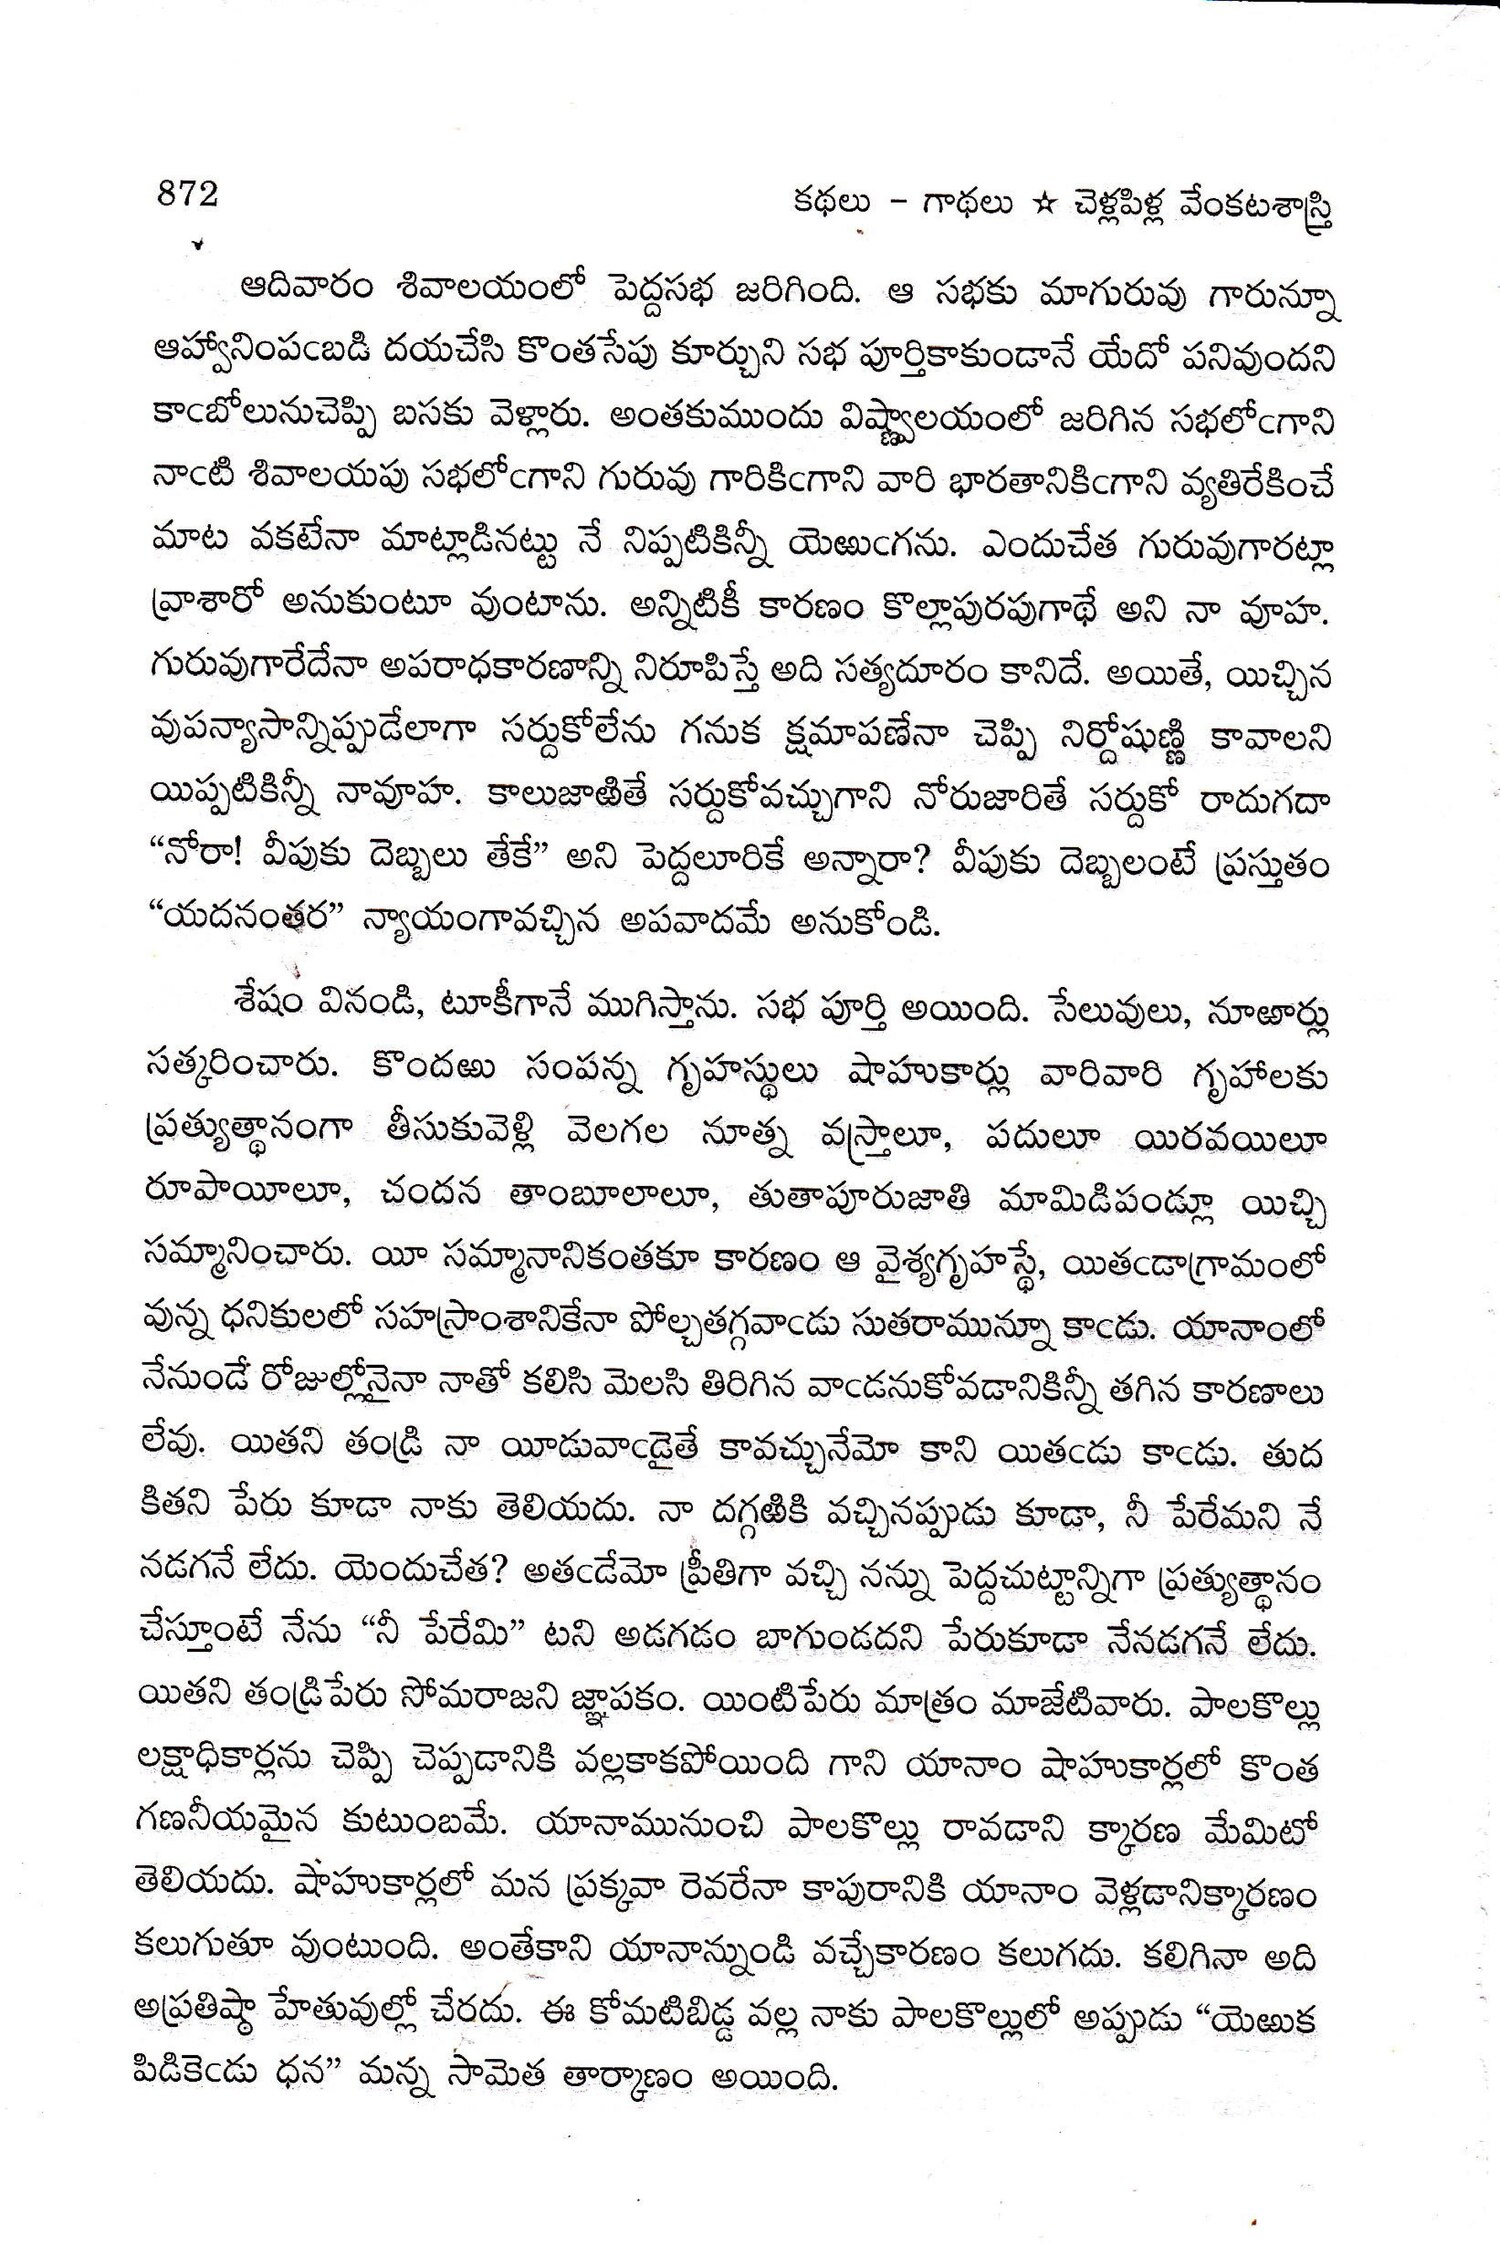ఆదివారం శివాలయంలో పెద్దసభ జరిగింది. ఆ సభకు మాగురువు గారున్నూ ఆహ్వానింపఁబడి దయచేసి కొంతసేపు కూర్చుని సభ పూర్తికాకుండానే యేదో పనివుందని కాఁబోలునుచెప్పి బసకు వెళ్లారు. అంతకుముందు విష్ణ్వాలయంలో జరిగిన సభలోఁగాని నాఁటి శివాలయపు సభలోఁగాని గురువు గారికిఁగాని వారి భారతానికిఁగాని వ్యతిరేకించే మాట వకటేనా మాట్లాడినట్టు నే నిప్పటికిన్నీ యెఱుఁగను. ఎందుచేత గురువుగారట్లా వ్రాశారో అనుకుంటూ వుంటాను. అన్నిటికీ కారణం కొల్లాపురపుగాథే అని నా వూహ. గురువుగారేదేనా అపరాధకారణాన్ని నిరూపిస్తే అది సత్యదూరం కానిదే. అయితే, యిచ్చిన వుపన్యాసాన్నిప్పుడేలాగా సర్దుకోలేను గనుక క్షమాపణేనా చెప్పి నిర్దోషుణ్ణి కావాలని యిప్పటికిన్నీ నావూహ, కాలుజాఱితే సర్దుకోవచ్చుగాని నోరుజారితే సర్దుకో రాదుగదా "నోరా! వీపుకు దెబ్బలు తేకే" అని పెద్దలూరికే అన్నారా? వీపుకు దెబ్బలంటే ప్రస్తుతం "యదనంతర" న్యాయంగావచ్చిన అపవాదమే అనుకోండి.

శేషం వినండి, టూకీగానే ముగిస్తాను. సభ పూర్తి అయింది. సేలువులు, నూఱార్లు సత్కరించారు. కొందఱు సంపన్న గృహస్థులు షాహుకార్లు వారివారి గృహాలకు ప్రత్యుత్థానంగా తీసుకువెళ్లి వెలగల నూత్న వస్త్రాలూ, పదులూ యిరవయిలూ రూపాయీలూ, చందన తాంబూలాలూ, తుతాపూరుజాతి మామిడిపండ్లూ యిచ్చి సమ్మానించారు. యీ సమ్మానానికంతకూ కారణం ఆ వైశ్యగృహస్థే, యితఁడాగ్రామంలో వున్న ధనికులలో సహస్రాంశానికేనా పోల్చతగ్గవాఁడు సుతరామున్నూ కాఁడు. యానాంలో నేనుండే రోజుల్లోనైనా నాతో కలిసి మెలసి తిరిగిన వాఁడనుకోవడానికిన్నీ తగిన కారణాలు లేవు. యితని తండ్రి నా యీడువాఁడైతే కావచ్చునేమో కాని యితఁడు కాఁడు. తుద కితని పేరు కూడా నాకు తెలియదు. నా దగ్గఱికి వచ్చినప్పుడు కూడా, నీ పేరేమని నే నడగనే లేదు. యెందుచేత? అతఁడేమో ప్రీతిగా వచ్చి నన్ను పెద్దచుట్టాన్నిగా ప్రత్యుత్థానం చేస్తూంటే నేను “నీ పేరేమి” టని అడగడం బాగుండదని పేరుకూడా నేనడగనే లేదు. యితని తండ్రి పేరు సోమరాజని జ్ఞాపకం. యింటిపేరు మాత్రం మాజేటివారు. పాలకొల్లు లక్షాధికార్లను చెప్పి చెప్పడానికి వల్లకాకపోయింది గాని యానాం షాహుకార్లలో కొంత గణనీయమైన కుటుంబమే. యానామునుంచి పాలకొల్లు రావడాని క్కారణ మేమిటో తెలియదు. షాహుకార్లలో మన ప్రక్కవారెవరేనా కాపురానికి యానాం వెళ్లడానిక్కారణం కలుగుతూ వుంటుంది. అంతేకాని యానాన్నుండి వచ్చేకారణం కలుగదు. కలిగినా అది అప్రతిష్ఠా హేతువుల్లో చేరదు. ఈ కోమటిబిడ్డ వల్ల నాకు పాలకొల్లులో అప్పుడు “యెఱుక పిడికెఁడు ధన" మన్న సామెత తార్కాణం అయింది.